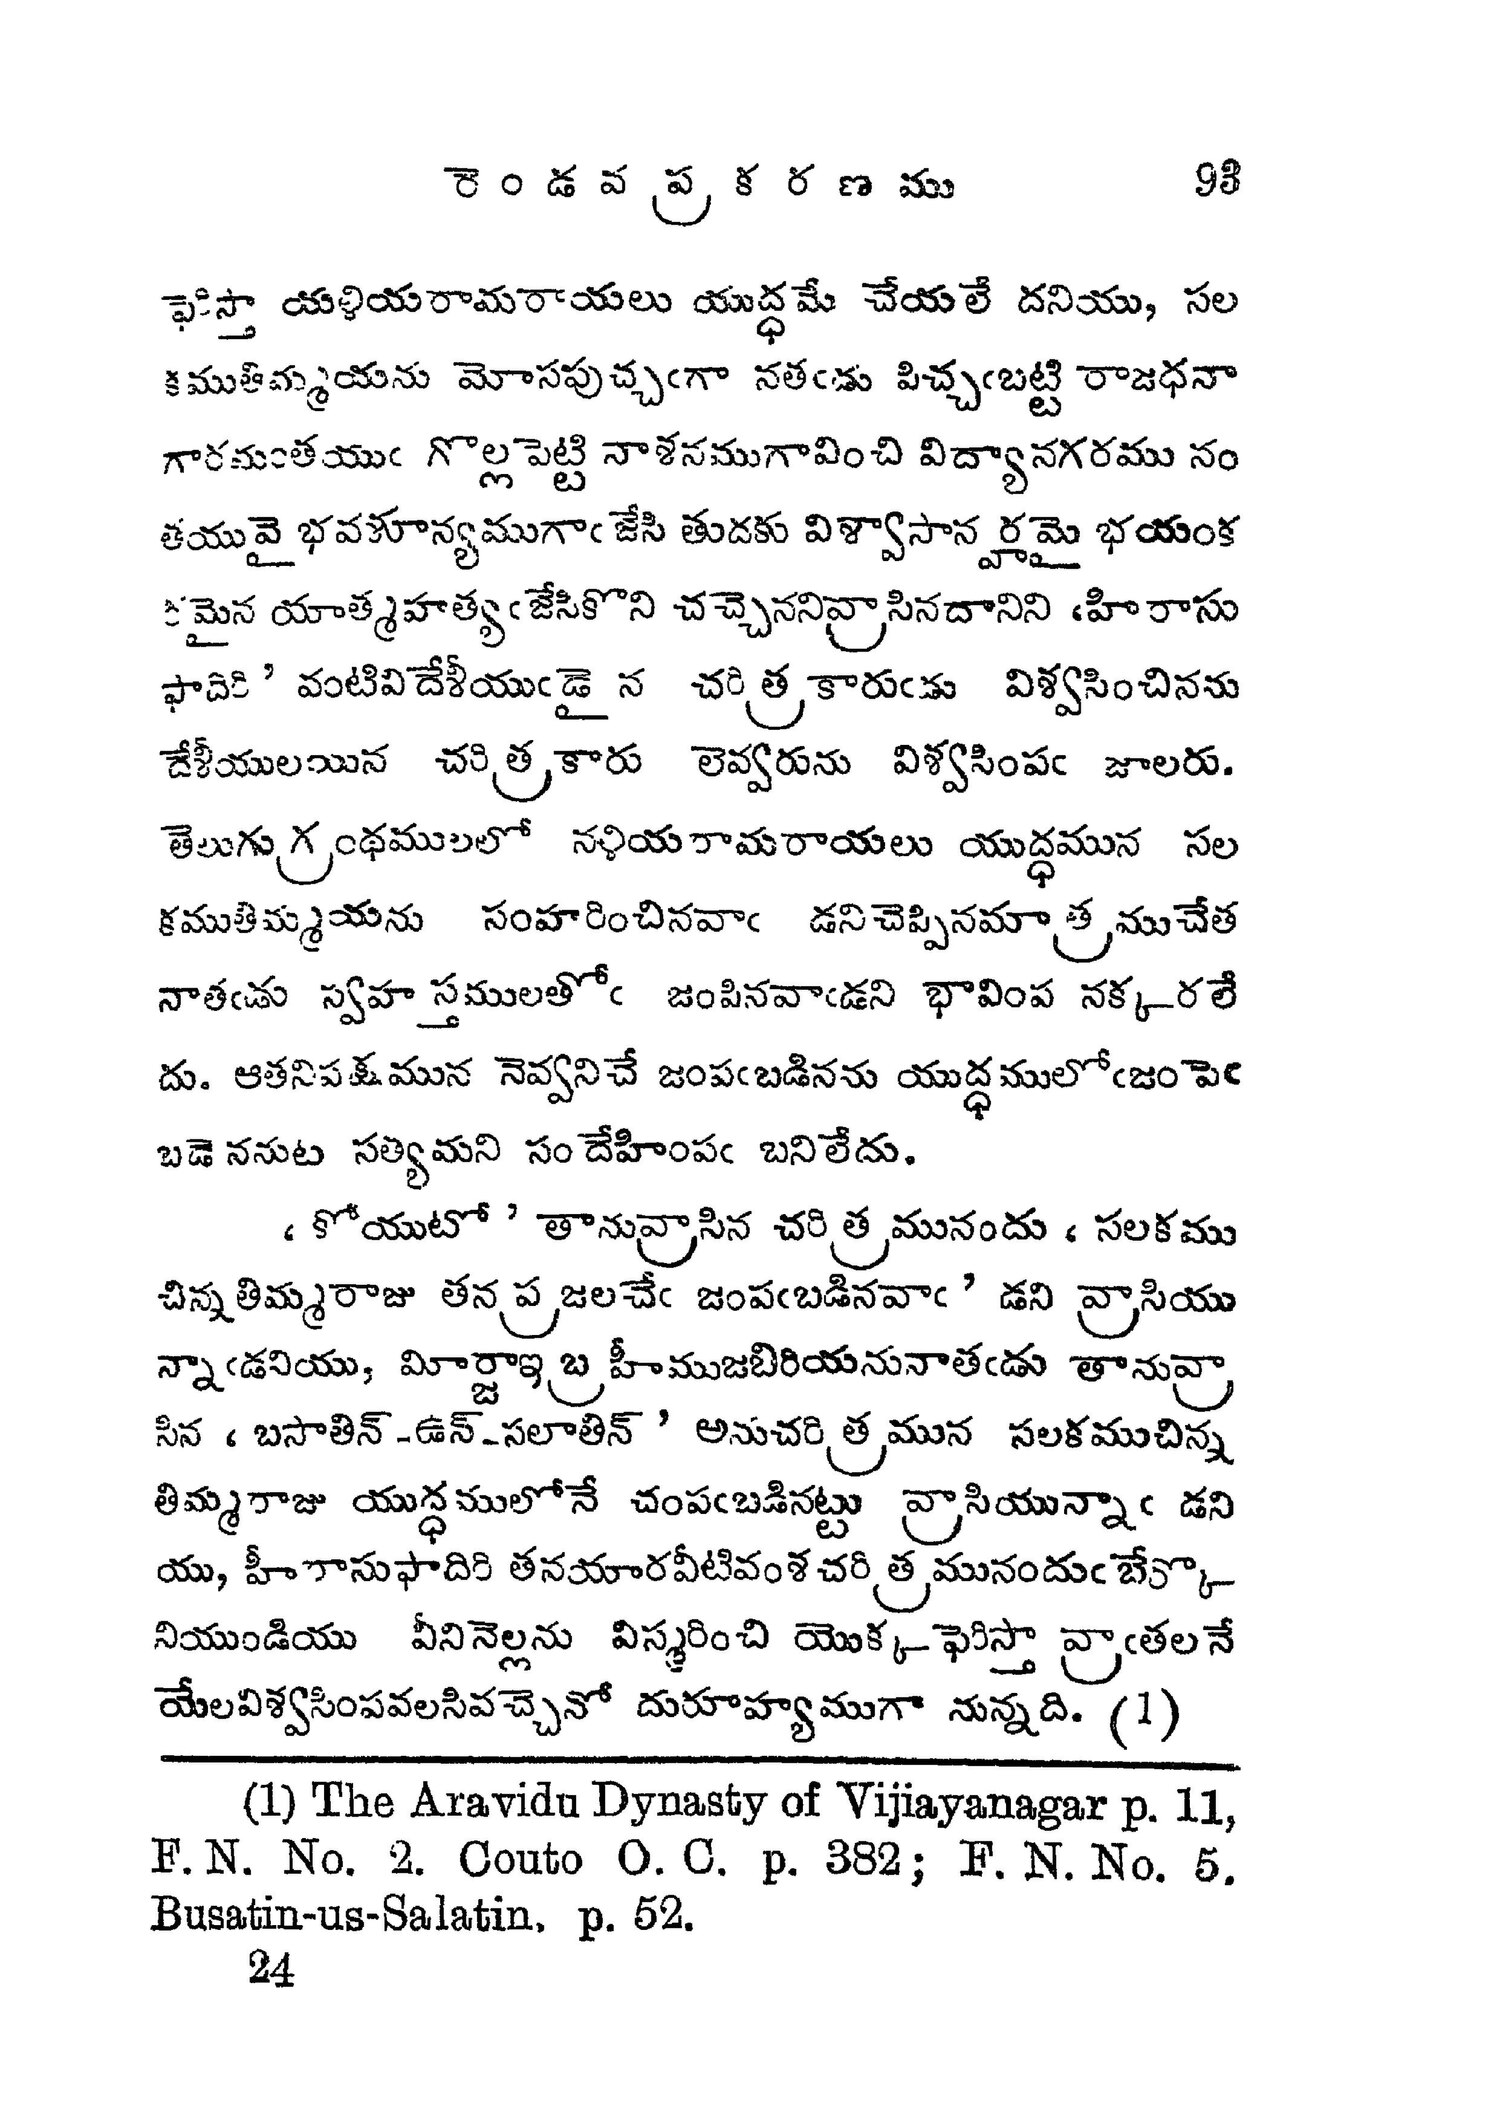ఫెరిస్తా యళియరామరాయలు యుద్ధమే చేయలే దనియు, సలకముతిమ్మయను మోసపుచ్చగా నతడు పిచ్చబట్టి రాజధనాగారమంతయు గొల్లపెట్టి నాశనముగావించి విద్యానగరము నంతయు వైభవశూన్యముగాజేసి తుదకు విశ్వాసానర్హమై భయంకరమైన యాత్మహత్యజేసికొని చచ్చెనని వ్రాసినదానిని 'హిరాసుఫాదిరి' వంటివిదేశీయుడైన చరిత్రకారుడు విశ్వసించినను దేశీలయిన చరిత్రకారు లెవ్వరును విశ్వసింప జాలరు. తెలుగుగ్రంథములలో నళియరామరాయలు యుద్ధమున సలకముతిమ్మయను సంహరించినవా డనిచెప్పినమాత్రముచేత నాతడు స్వహస్తములతో జంపినవాడని భావింప నక్కరలేదు. ఆతనిపక్షమున నెవ్వనిచే జంపబడినను యుద్ధములో జంపె బడెననుట సత్యమని సందేహింప బనిలేదు.

'కోయుటో' తానువ్రాసిన చరిత్రమునందు 'సలకముచిన్నతిమ్మరాజు తనప్రజలచే జంపబడినవా' డని వ్రాసియున్నాడనియు, మీర్జాఇబ్రహీముజబిరి యనునాతడు తానువ్రాసిన 'బసాతిన్ - ఉస్ - సలాతిన్‌' అనుచరిత్రమున సలకముచిన్నతిమ్మరాజు యుద్ధములోనే చంపబడినట్టు వ్రాసియున్నా డనియు, హీరాసుఫాదిరి తనయారవీటివంశ చరిత్రమునందు బేర్కొనియుండియు వీనినెల్లను విస్మరించి యొక్కఫెరిస్తా వ్రాతలనే యేల విశ్వసింపవలసివచ్చెనో దురూహ్యముగా నున్నది.